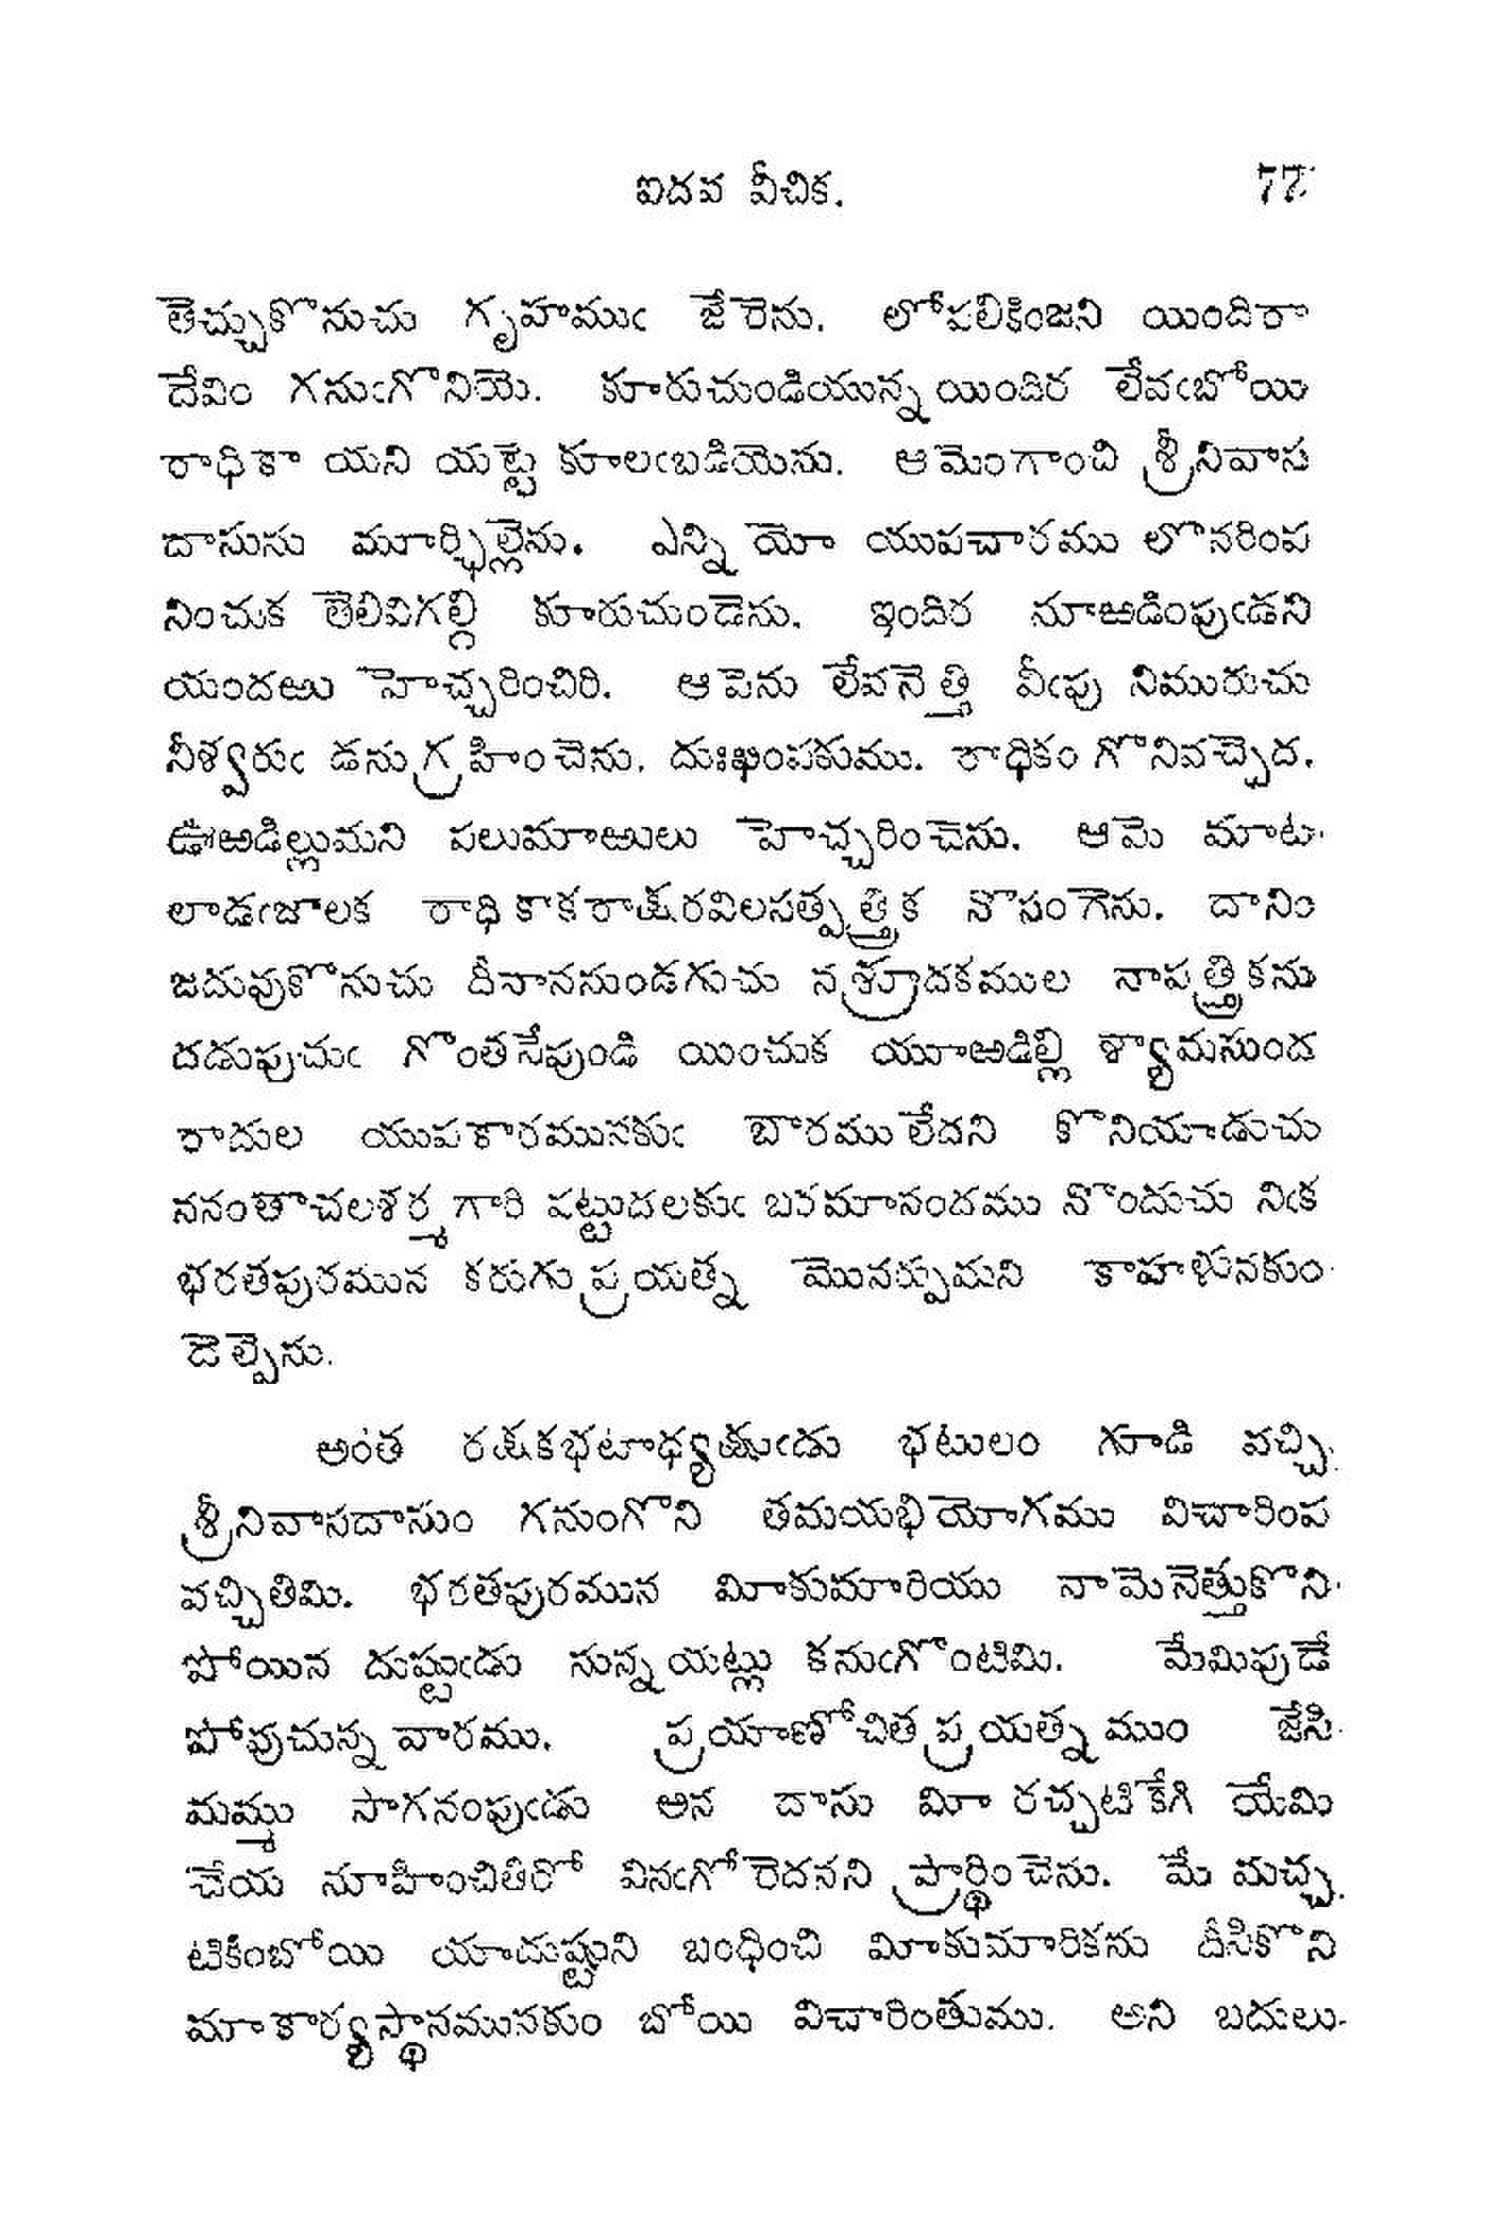తెచ్చుకొనుచు గృహముఁ జేరెను. లోపలికింజని యిందిరా దేవిం గనుఁగొనియె. కూరుచుండియున్న యిందిర లేవఁబోయి రాధికా యని యట్టే కూలఁబడియెను. ఆ మెంగాంచి శ్రీనివాస దాసును మూర్ఛిల్లెను. ఎన్ని యో యుపచారము లొనరింప నించుక తెలివిగల్లి కూరుచుండెను. ఇందిర నూఱడింపుఁడని యందఱు హెచ్చరించిరి. ఆ పెను లేవనెత్తి వీపు నిమురుచు నీశ్వరుఁ డను గ్రహించెను. దుఃఖంపకుము. రాధికం గొనివచ్చెద. ఊఱడిల్లుమని పలుమాఱులు హెచ్చరించెను. ఆమె మాట! లాడఁజాలక రాధి కాకరాక్ష రవిలసత్పత్రిక నొసం గెను. దానిం జదువుకోనుచు దీనాననుండగుచు నశ్రూదకముల నాపత్రి కను దడుపుచుఁ గొంత సేపుండి యించుక యూఱడిల్లి శ్యామసుంద రాదుల యుపకారమునకుఁ బారము లేదని కొనియాడుచు ననం తాచలశర్మ గారి పట్టుదలకుఁ బరమానందము నొందుచు నిఁక భరతపురమున కరుగు ప్రయత్న మొనర్పుమని కాహళునకుం దెల్పెను.

అంత రక్షకభటాధ్యక్షుఁడు భటులం గూడి వచ్చి, శ్రీనివాసదాసుం గనుంగొని తమయభియోగము విచారింప వచ్చితిమి. భగతపురమున నాకుమారియు నామె నెత్తుకొని పోయిన దుష్టుఁడు నున్న యట్లు కనుఁగొంటిమి. మేమిపుడే పోవుచున్న వారము. ప్రయాణోచిత ప్రయత్న ముం జేసి, మమ్ము సాగనంపుఁడు అన దాసు మీ రచ్చటి కేగి యేమి చేయ నూహించితిరో వినఁగో రెదనని ప్రార్థించెను. 'మే ముచ్చ టికింబోయి యాదుష్టుని బంధించి మీకుమారికను దీసికొని మా కార్యస్థానమునకుం బోయి విచారింతుము అని బదులు.